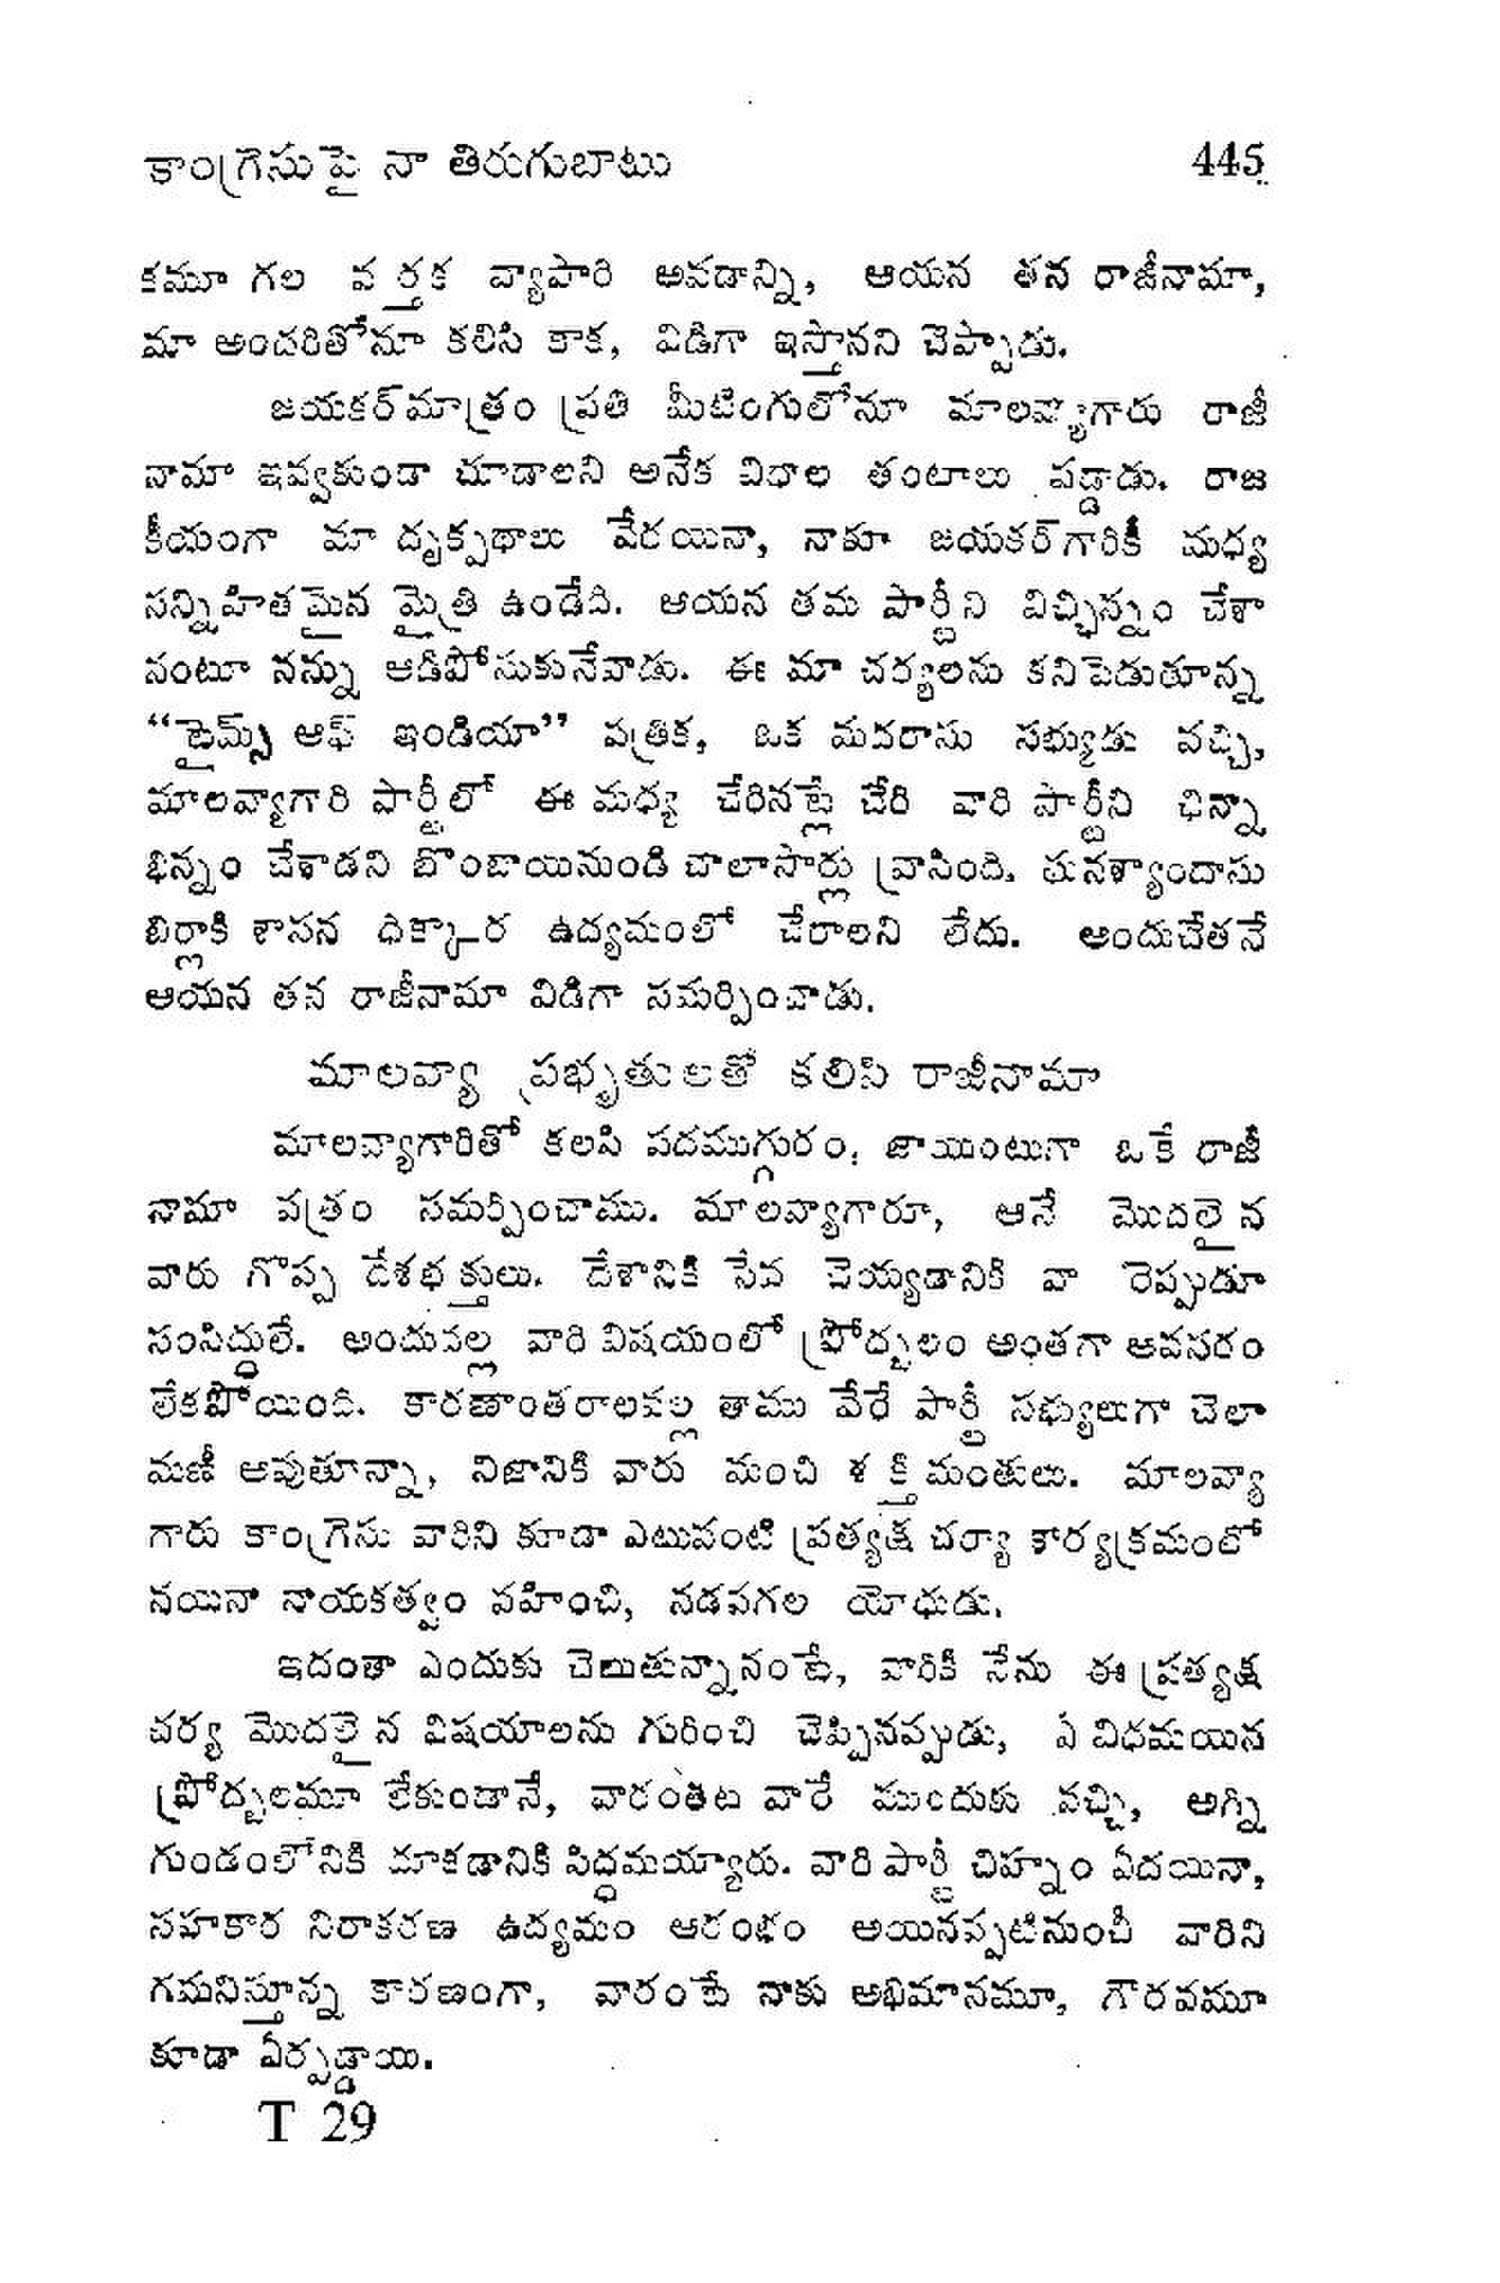కమూ గల వర్తక వ్యాపారి అవడాన్ని, ఆయన తన రాజీనామా, మా అందరితోనూ కలిసి కాక, విడిగా ఇస్తానని చెప్పాడు.

జయకర్‌మాత్రం ప్రతి మీటింగులోనూ మాలవ్యాగారు రాజీనామా ఇవ్వకుండా చూడాలని అనేక విదాల తంటాలు పడ్డాడు. రాజకీయంగా మా దృక్పథాలు వేరయినా, నాకూ జయకర్‌గారికీ మధ్య సన్నిహితమైన మైత్రి ఉండేది. ఆయన తమ పార్టీని విచ్ఛిన్నం చేశానంటూ నన్ను ఆడిపోసుకునేవాడు. ఈ మా చర్యలను కనిపెడుతూన్న "టైమ్స్ ఆఫ్ ఇండియా" పత్రిక, ఒక మదరాసు సభ్యుడు వచ్చి, మాలవ్యాగారి పార్టీలో ఈ మధ్య చేరినట్లే చేరి వారి పార్టీని ఛిన్నాభిన్నం చేశాడని బొంబాయినుండి చాలాసార్లు వ్రాసింది. ఘనశ్యాందాసు బిర్లాకి శాసన ధిక్కార ఉద్యమంలో చేరాలని లేదు. అందుచేతనే ఆయన తన రాజీనామా విడిగా సమర్పించాడు.

మాలవ్యాగారితో కలసి పదముగ్గురం, జాయింటుగా ఒకే రాజీనామా పత్రం సమర్పించాము. మాలవ్యాగారూ, అనే మొదలైన వారు గొప్ప దేశభక్తులు. దేశానికి సేవ చెయ్యడానికి వా రెప్పుడూ సంసిద్ధులే. అందువల్ల వారి విషయంలో ప్రోద్బలం అంతగా అవసరం లేకపోయింది. కారణాంతరాలవల్ల తాము వేరే పార్టీ సభ్యులుగా చెలామణి అవుతూన్నా, నిజానికి వారు మంచి శక్తి మంతులు. మాలవ్యాగారు కాంగ్రెసు వారిని కూడా ఎటువంటి ప్రత్యక్ష చర్యా కార్యక్రమంలో నయినా నాయకత్వం వహించి, నడపగల యోధుడు.

ఇదంతా ఎందుకు చెబుతున్నానంటే, వారికి నేను ఈ ప్రత్యక్ష చర్య మొదలైన విషయాలను గురించి చెప్పినప్పుడు, ఏ విధమయిన ప్రోద్బలమూ లేకుండానే, వారంతట వారే ముందుకు వచ్చి, అగ్ని గుండంలోనికి దూకడానికి సిద్దమయ్యారు. వారి పార్టీ చిహ్నం ఏదయినా, సహకార నిరాకరణ ఉద్యమం ఆరంభం అయినప్పటినుంచీ వారిని గమనిస్తూన్న కారణంగా, వారంటే నాకు అభిమానమూ, గౌరవమూ కూడా ఏర్పడ్డాయి.